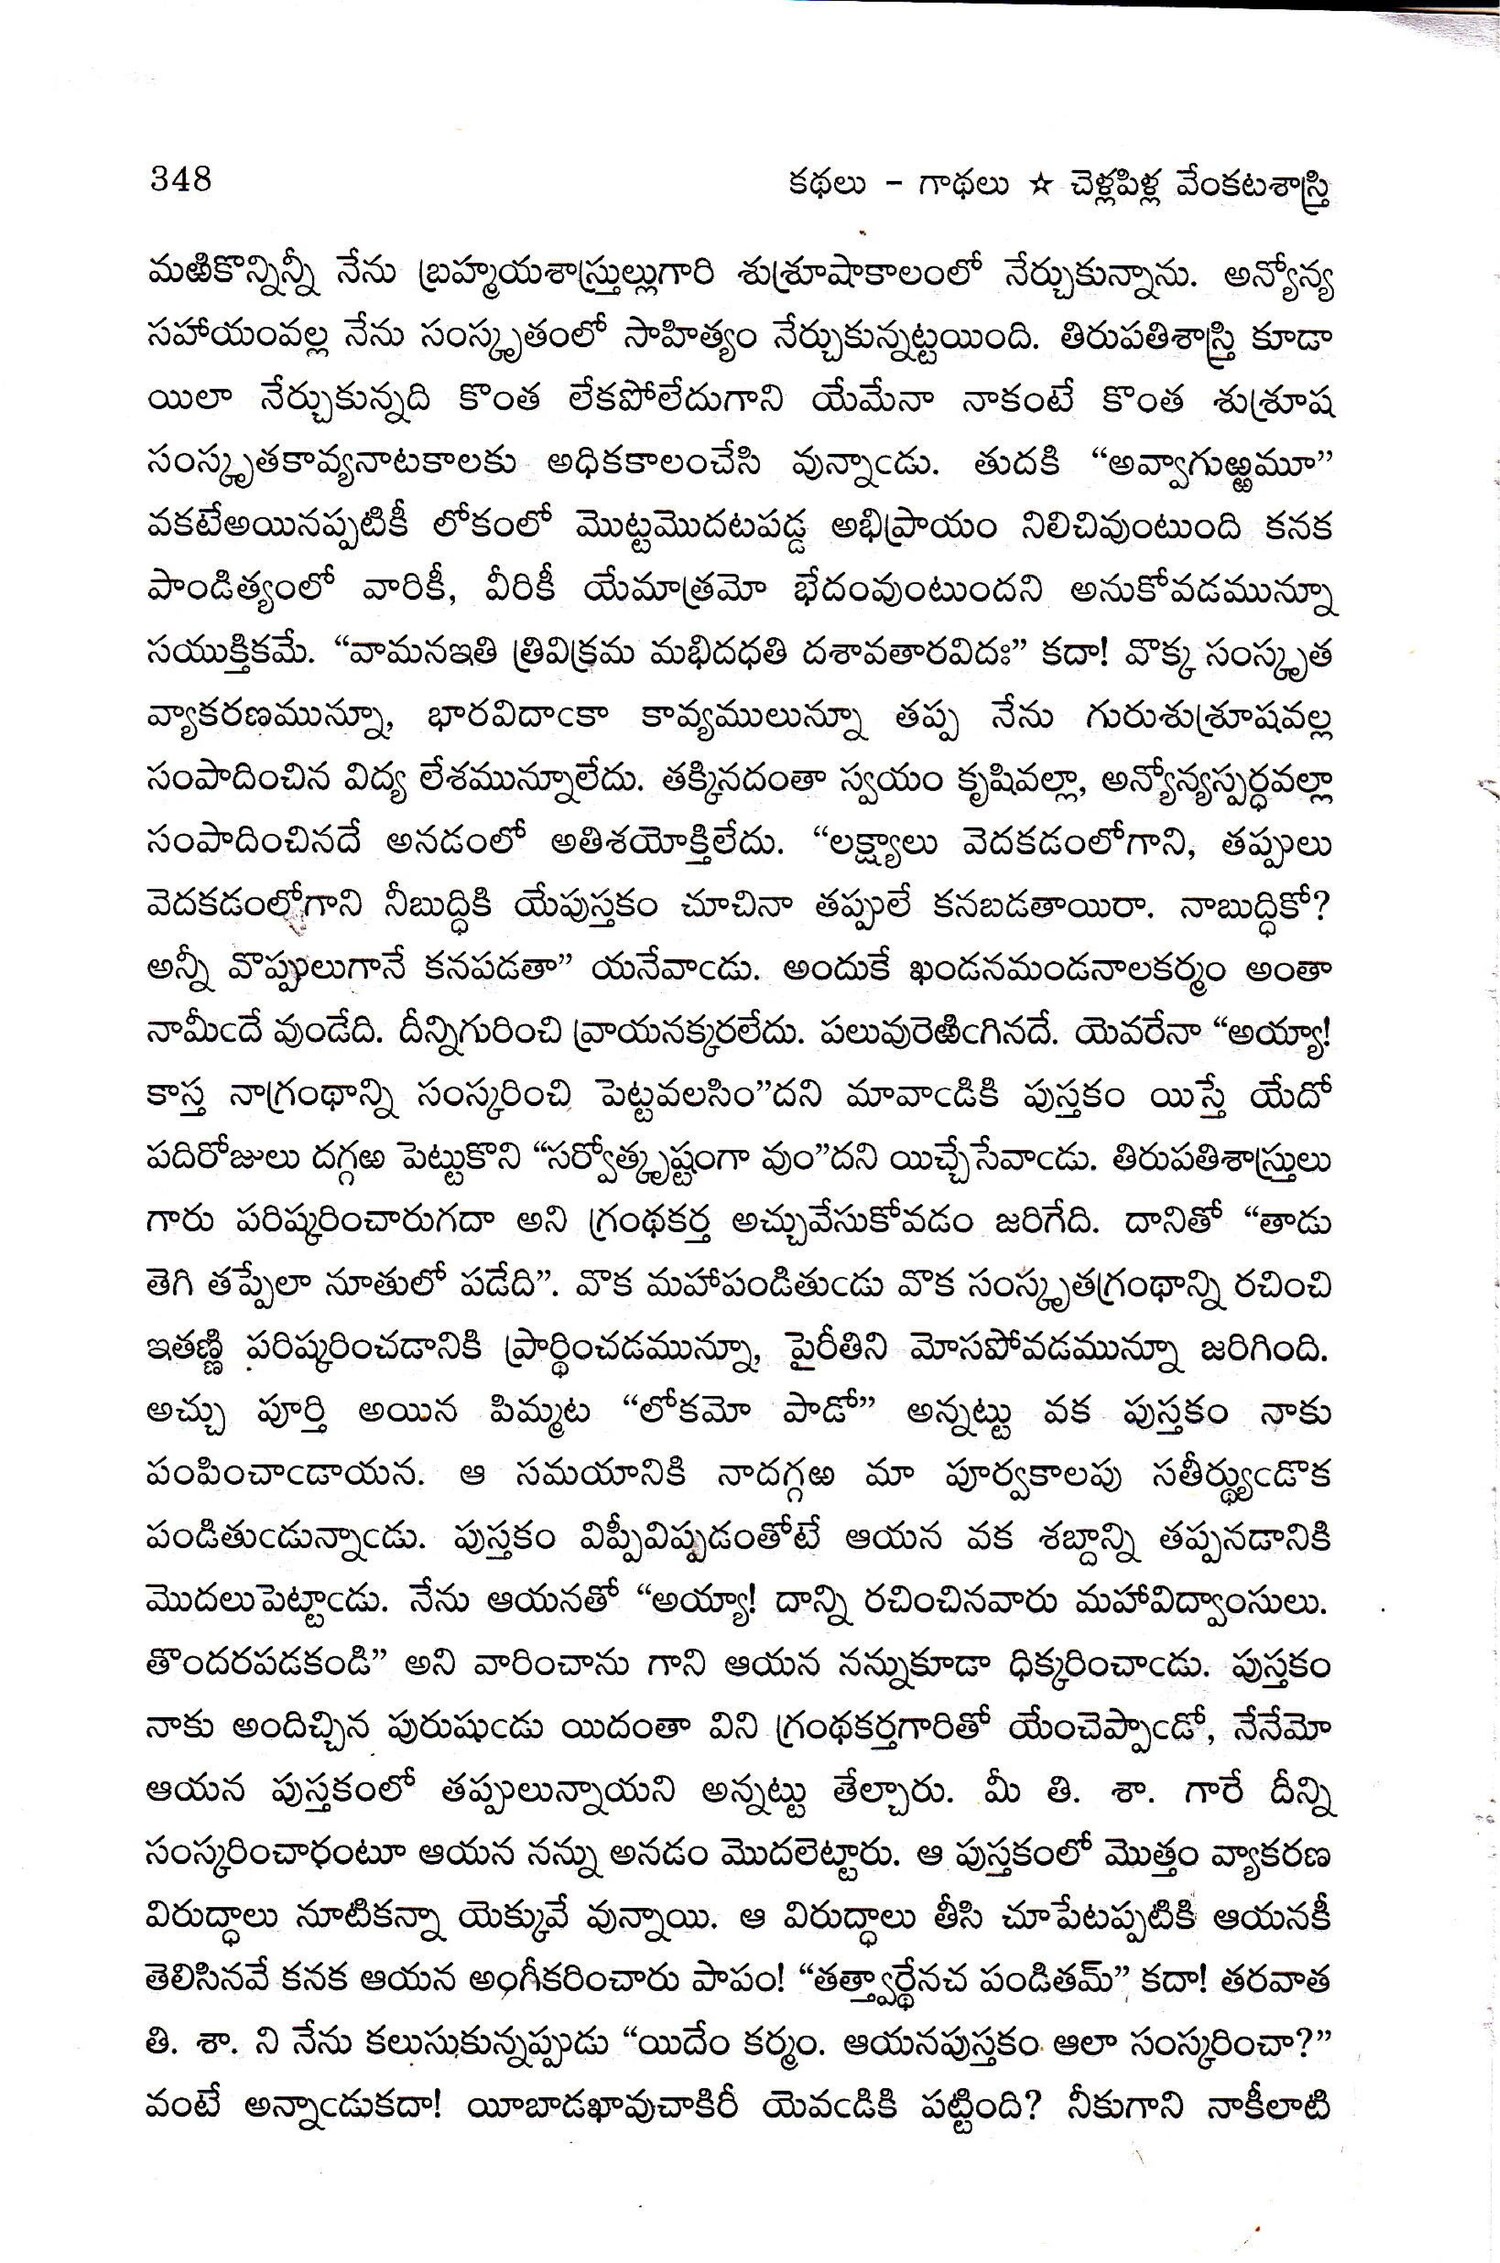మఱికొన్నిన్నీ నేను బ్రహ్మయశాస్త్రుల్లుగారి శుశ్రూషాకాలంలో నేర్చుకున్నాను. అన్యోన్య సహాయంవల్ల నేను సంస్కృతంలో సాహిత్యం నేర్చుకున్నట్టయింది. తిరుపతిశాస్త్రి కూడా యిలా నేర్చుకున్నది కొంత లేకపోలేదుగాని యేమేనా నాకంటే కొంత శుశ్రూష సంస్కృతకావ్యనాటకాలకు అధికకాలంచేసి వున్నాఁడు. తుదకి “అవ్వాగుఱ్ఱమూ” వకటేఅయినప్పటికీ లోకంలో మొట్టమొదటపడ్డ అభిప్రాయం నిలిచివుంటుంది కనక పాండిత్యంలో వారికీ, వీరికీ యేమాత్రమో భేదంవుంటుందని అనుకోవడమున్నూ సయుక్తికమే. "వామనఇతి త్రివిక్రమ మభిదధతి దశావతారవిదః” కదా! వొక్క సంస్కృత వ్యాకరణమున్నూ, భారవిదాcకా కావ్యములున్నూ తప్ప నేను గురుశుశ్రూషవల్ల సంపాదించిన విద్య లేశమున్నూలేదు. తక్కినదంతా స్వయం కృషివల్లా, అన్యోన్యస్పర్ధవల్లా సంపాదించినదే అనడంలో అతిశయోక్తిలేదు. ‘లక్ష్యాలు వెదకడంలోగాని, తప్పులు వెదకడంలోగాని నీబుద్ధికి యేపుస్తకం చూచినా తప్పులే కనబడతాయిరా, నాబుద్ధికో? అన్నీ వొప్పులుగానే కనపడతా" యనేవాఁడు. అందుకే ఖండనమండనాలకర్మం అంతా నామీఁదే వుండేది. దీన్నిగురించి వ్రాయనక్కరలేదు. పలువురెఱిఁగినదే. యెవరేనా “అయ్యా! కాస్త నాగ్రంథాన్ని సంస్కరించి పెట్టవలసిం"దని మావాఁడికి పుస్తకం యిస్తే యేదో పదిరోజులు దగ్గఱ పెట్టుకొని "సర్వోత్కృష్టంగా వుం"దని యిచ్చేసేవాఁడు. తిరుపతిశాస్రులు గారు పరిష్కరించారుగదా అని గ్రంథకర్త అచ్చువేసుకోవడం జరిగేది. దానితో "తాడు తెగి తప్పేలా నూతులో పడేది". వొక మహాపండితుఁడు వొక సంస్కృతగ్రంథాన్ని రచించి ఇతణ్ణి పరిష్కరించడానికి ప్రార్థించడమున్నూ పైరీతిని మోసపోవడమున్నూ జరిగింది. అచ్చు పూర్తి అయిన పిమ్మట "లోకవెూ పాడో" అన్నట్టు వక పుస్తకం నాకు పంపించాcడాయన. ఆ సమయానికి నాదగ్గఱ మా పూర్వకాలపు సతీర్థ్యుఁడొక పండితుఁడున్నాఁడు. పుస్తకం విప్పీవిప్పడంతోటే ఆయన వక శబ్దాన్ని తప్పనడానికి మొదలుపెట్టాఁడు. నేను ఆయనతో "అయ్యా! దాన్ని రచించినవారు మహావిద్వాంసులు. తొందరపడకండి" అని వారించాను గాని ఆయన నన్నుకూడా ధిక్కరించాఁడు. పుస్తకం నాకు అందిచ్చిన పురుషుఁడు యిదంతా విని గ్రంథకర్తగారితో యేంచెప్పాఁడో, నేనేమో ఆయన పుస్తకంలో తప్పులున్నాయని అన్నట్టు తేల్చారు. మీ తి. శా, గారే దీన్ని సంస్కరించారంటూ ఆయన నన్ను అనడం మొదలెట్టారు. ఆ పుస్తకంలో మొత్తం వ్యాకరణ విరుద్ధాలు నూటికన్నా యెక్కువే వున్నాయి. ఆ విరుద్ధాలు తీసి చూపేటప్పటికి ఆయనకీ తెలిసినవే కనక ఆయన అంగీకరించారు పాపం!"తత్త్వార్టేనచ పండితమ్” కదా! తరవాత తి. శా. ని నేను కలుసుకున్నప్పుడు “యిదేం కర్మం. ఆయనపుస్తకం. ఆలా సంస్కరించా?” వంటే అన్నాఁడుకదా! యీబాడఖావుచాకిరీ యెవఁడికి పట్టింది? నీకుగాని నాకీలాటి